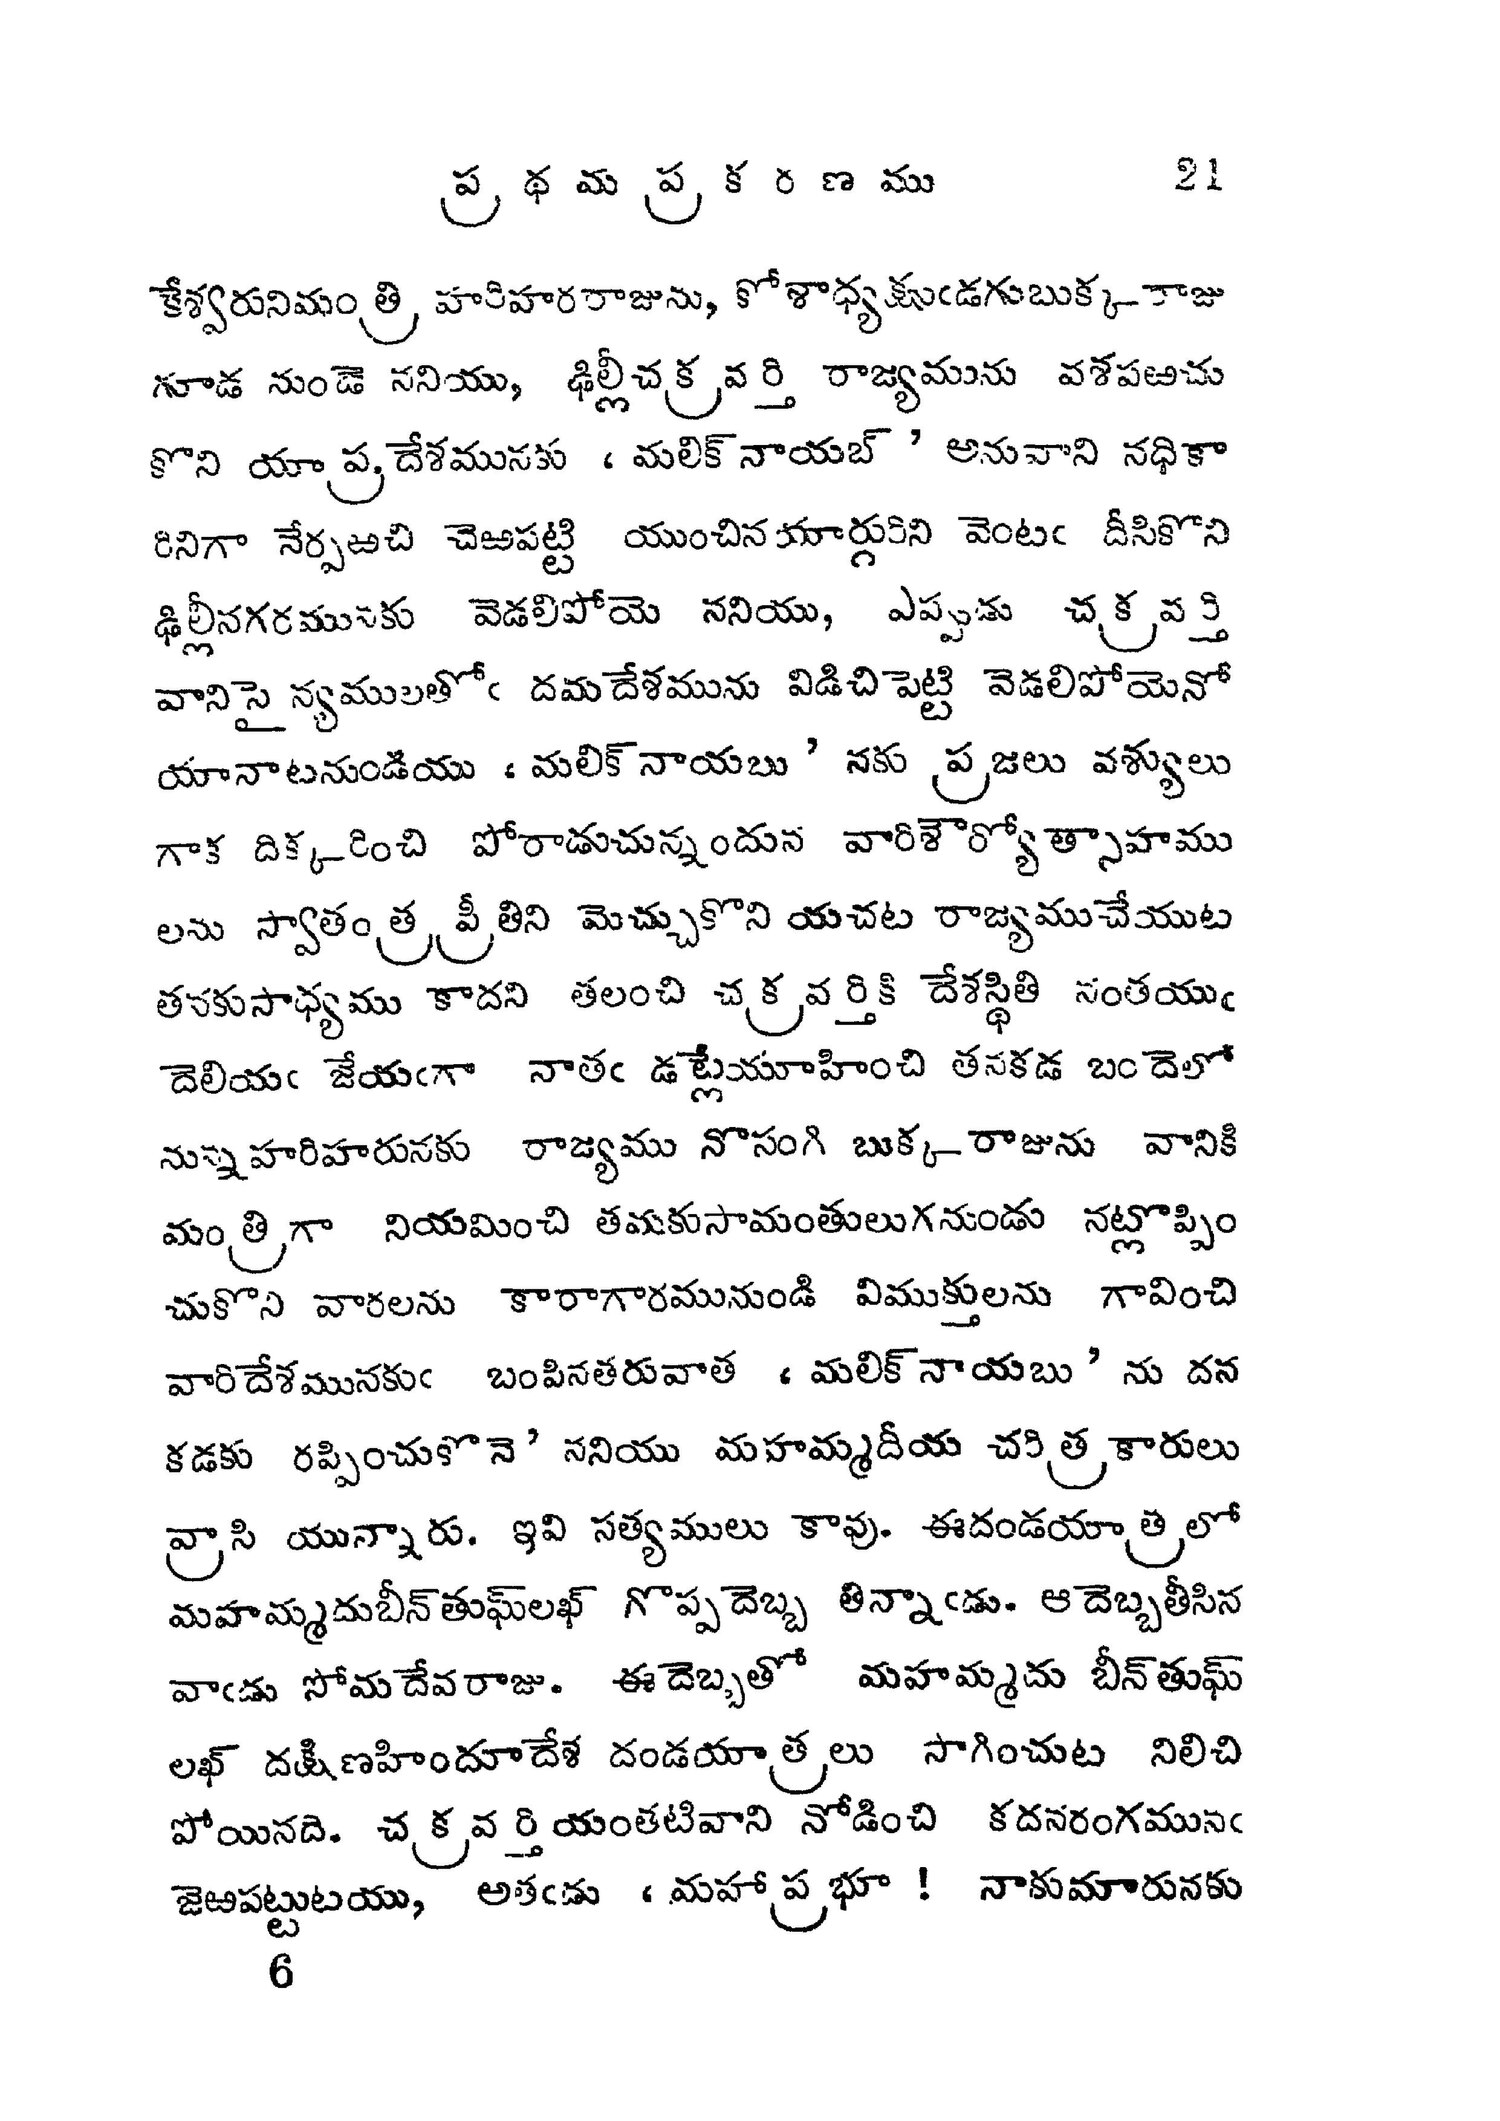కేశ్వరునిమంత్రి హరిహరరాజును, కోశాధ్యక్షుడగు బుక్కరాజు గూడ నుండె ననియు, డిల్లీచక్రవర్తి రాజ్యమును వశపఱచుకొని యాప్రదేశమునకు 'మలిక్‌నాయబ్‌' అనువాని నధికారినిగా నేర్పఱచి చెఱపట్టి యుంచినయార్గురిని వెంట దీసికొని డిల్లీనగరమునకు వెడలిపోయె ననియు, ఎప్పుడు చక్రవర్తి వానిసైన్యములతో దమదేశమును విడిచిపెట్టి వెడలిపోయెనో యానాటనుండియు 'మలిక్‌నాయబు' నకు ప్రజలు వశ్యులు గాక దిక్కరించి పోరాడుచున్నందున వారిశౌర్యోత్సాహములను స్వాతంత్రప్రీతిని మెచ్చుకొని యచట రాజ్యముచేయుట తనకుసాధ్యము కాదని తలంచి చక్రవర్తికి దేశస్థితి నంతయు దెలియ జేయగా నాత డట్లేయూహించి తనకడ బందెలో నున్న హరిహరునకు రాజ్యము నొసంగి బుక్కరాజును వానికి మంత్రిగా నియమించి తమకుసామంతులుగనుండు నట్లొప్పించుకొని వారలను కారాగారమునుండి విముక్తులను గావించి వారిదేశమునకు బంపినతరువాత 'మలిక్‌నాయబు' ను దనకడకు రప్పించుకొనె' ననియు మహమ్మదీయ చరిత్రకారులు వ్రాసి యున్నారు. ఇవి సత్యములు కావు. ఈదండయాత్రలో మహమ్మదుబీన్‌తుఘ్‌లఖ్ గొప్పదెబ్బ తిన్నాడు. ఆదెబ్బతీసినవాడు సోమదేవరాజు. ఈదెబ్బతో మహమ్మదు బీన్‌తుఘ్‌లఖ్ దక్షిణహిందూదేశ దండయాత్రలు సాగించుట నిలిచి పోయినది. చక్రవర్తియంతటివాని నోడించి కదనరంగమున జెఱపట్టుటయు, అతడు 'మహాప్రభూ! నాకుమారునకు